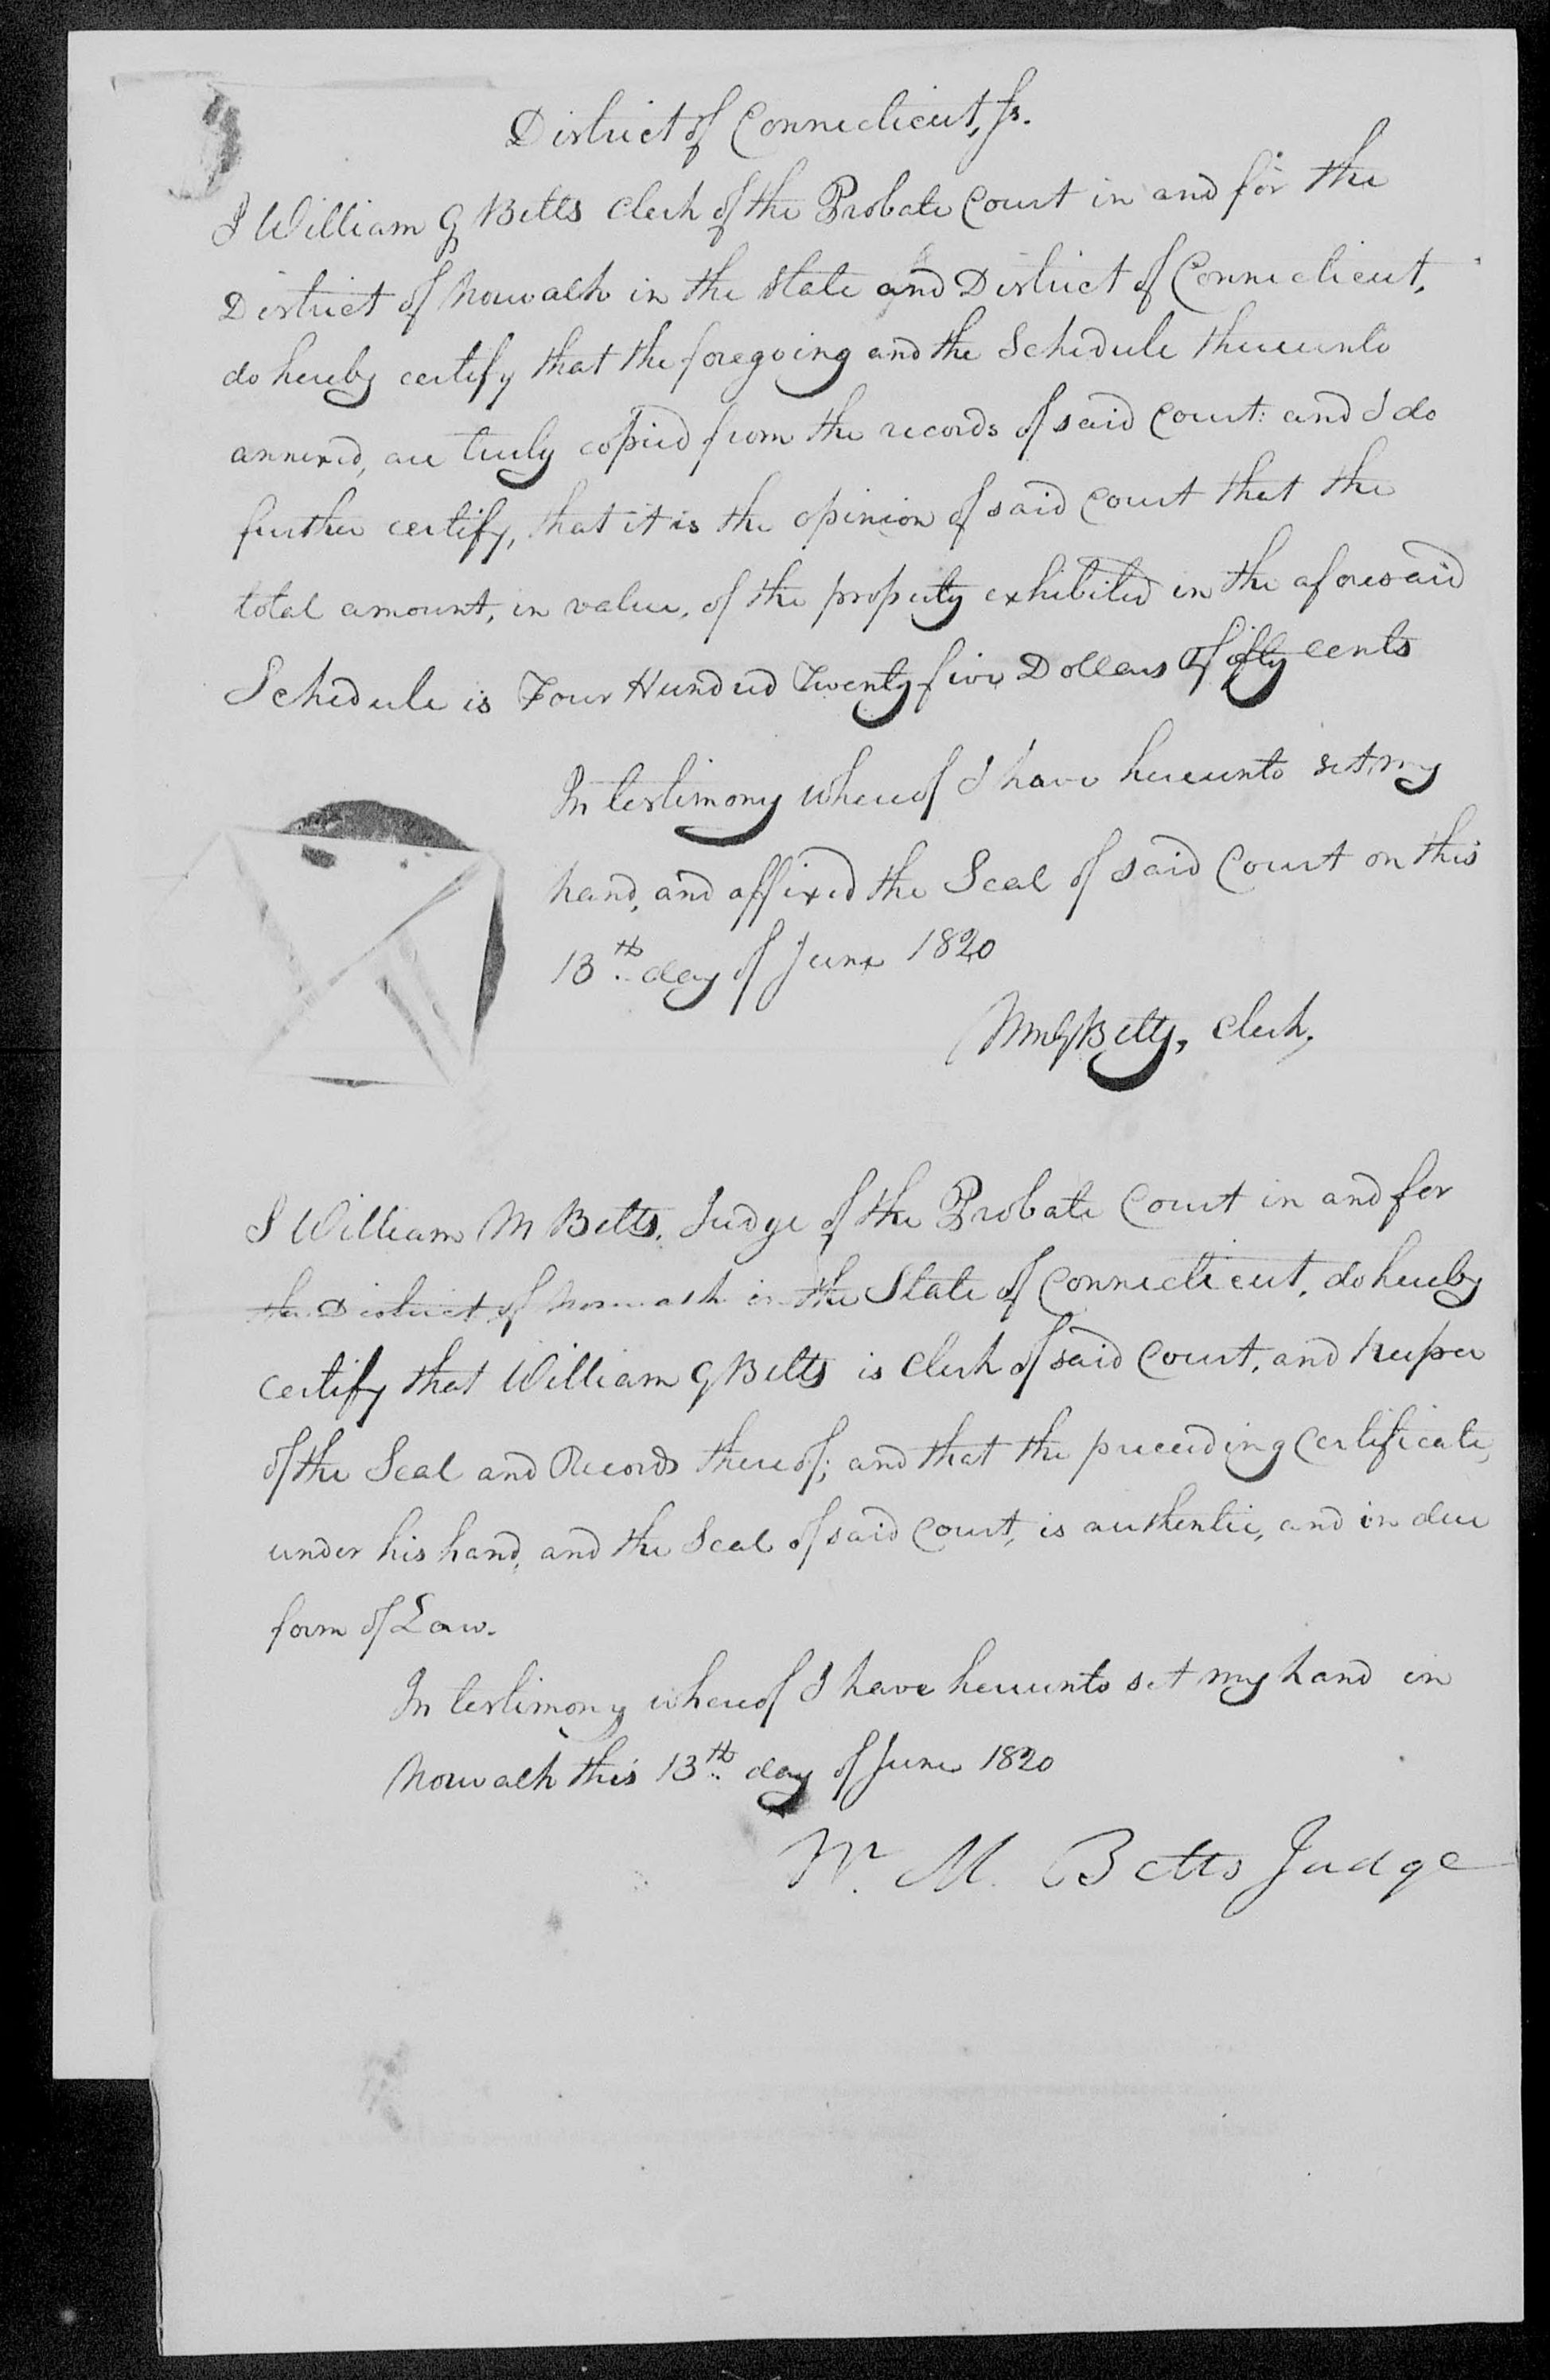District of Connecticut, ss.
I William G Betts Clerk of the Probate Court in and for the District of Norwalk in the State and District of Connecticut, do hereby certify that the foregoing and the Schedule thereunto annexed, are truly copied from the records of the said Court: and I do further certify, that it is the opinion of said Court that the total amount, in value, of the property exhibited in the aforesaid Schedule is Four hundred and twenty five dollars & fifty cents.
In testimony whereof I have hereunto set my hand and affixed the seal of said Court on this 13th day of June 1820.
Wm G Betts, Clerk

I William M Betts, Judge of the Probate Court in and for the District of Norwalk in the State of Connecticut, do hereby certify that William G Betts is Clerk of said Court, and keeper of the seal and records thereof; and the preceding certificate, under his hand, and the seal of said Court, is authentic, and in due form of Law.
In testimony whereof I have hereunto set my hand in Norwalk this 13th day of June 1820.
W M Betts Judge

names: William M Betts, William G Betts, William G Betts, Wm G Betts, W M Betts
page: 44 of 61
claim: widow's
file: W. 29,929, Hezekiah Betts, Conn.